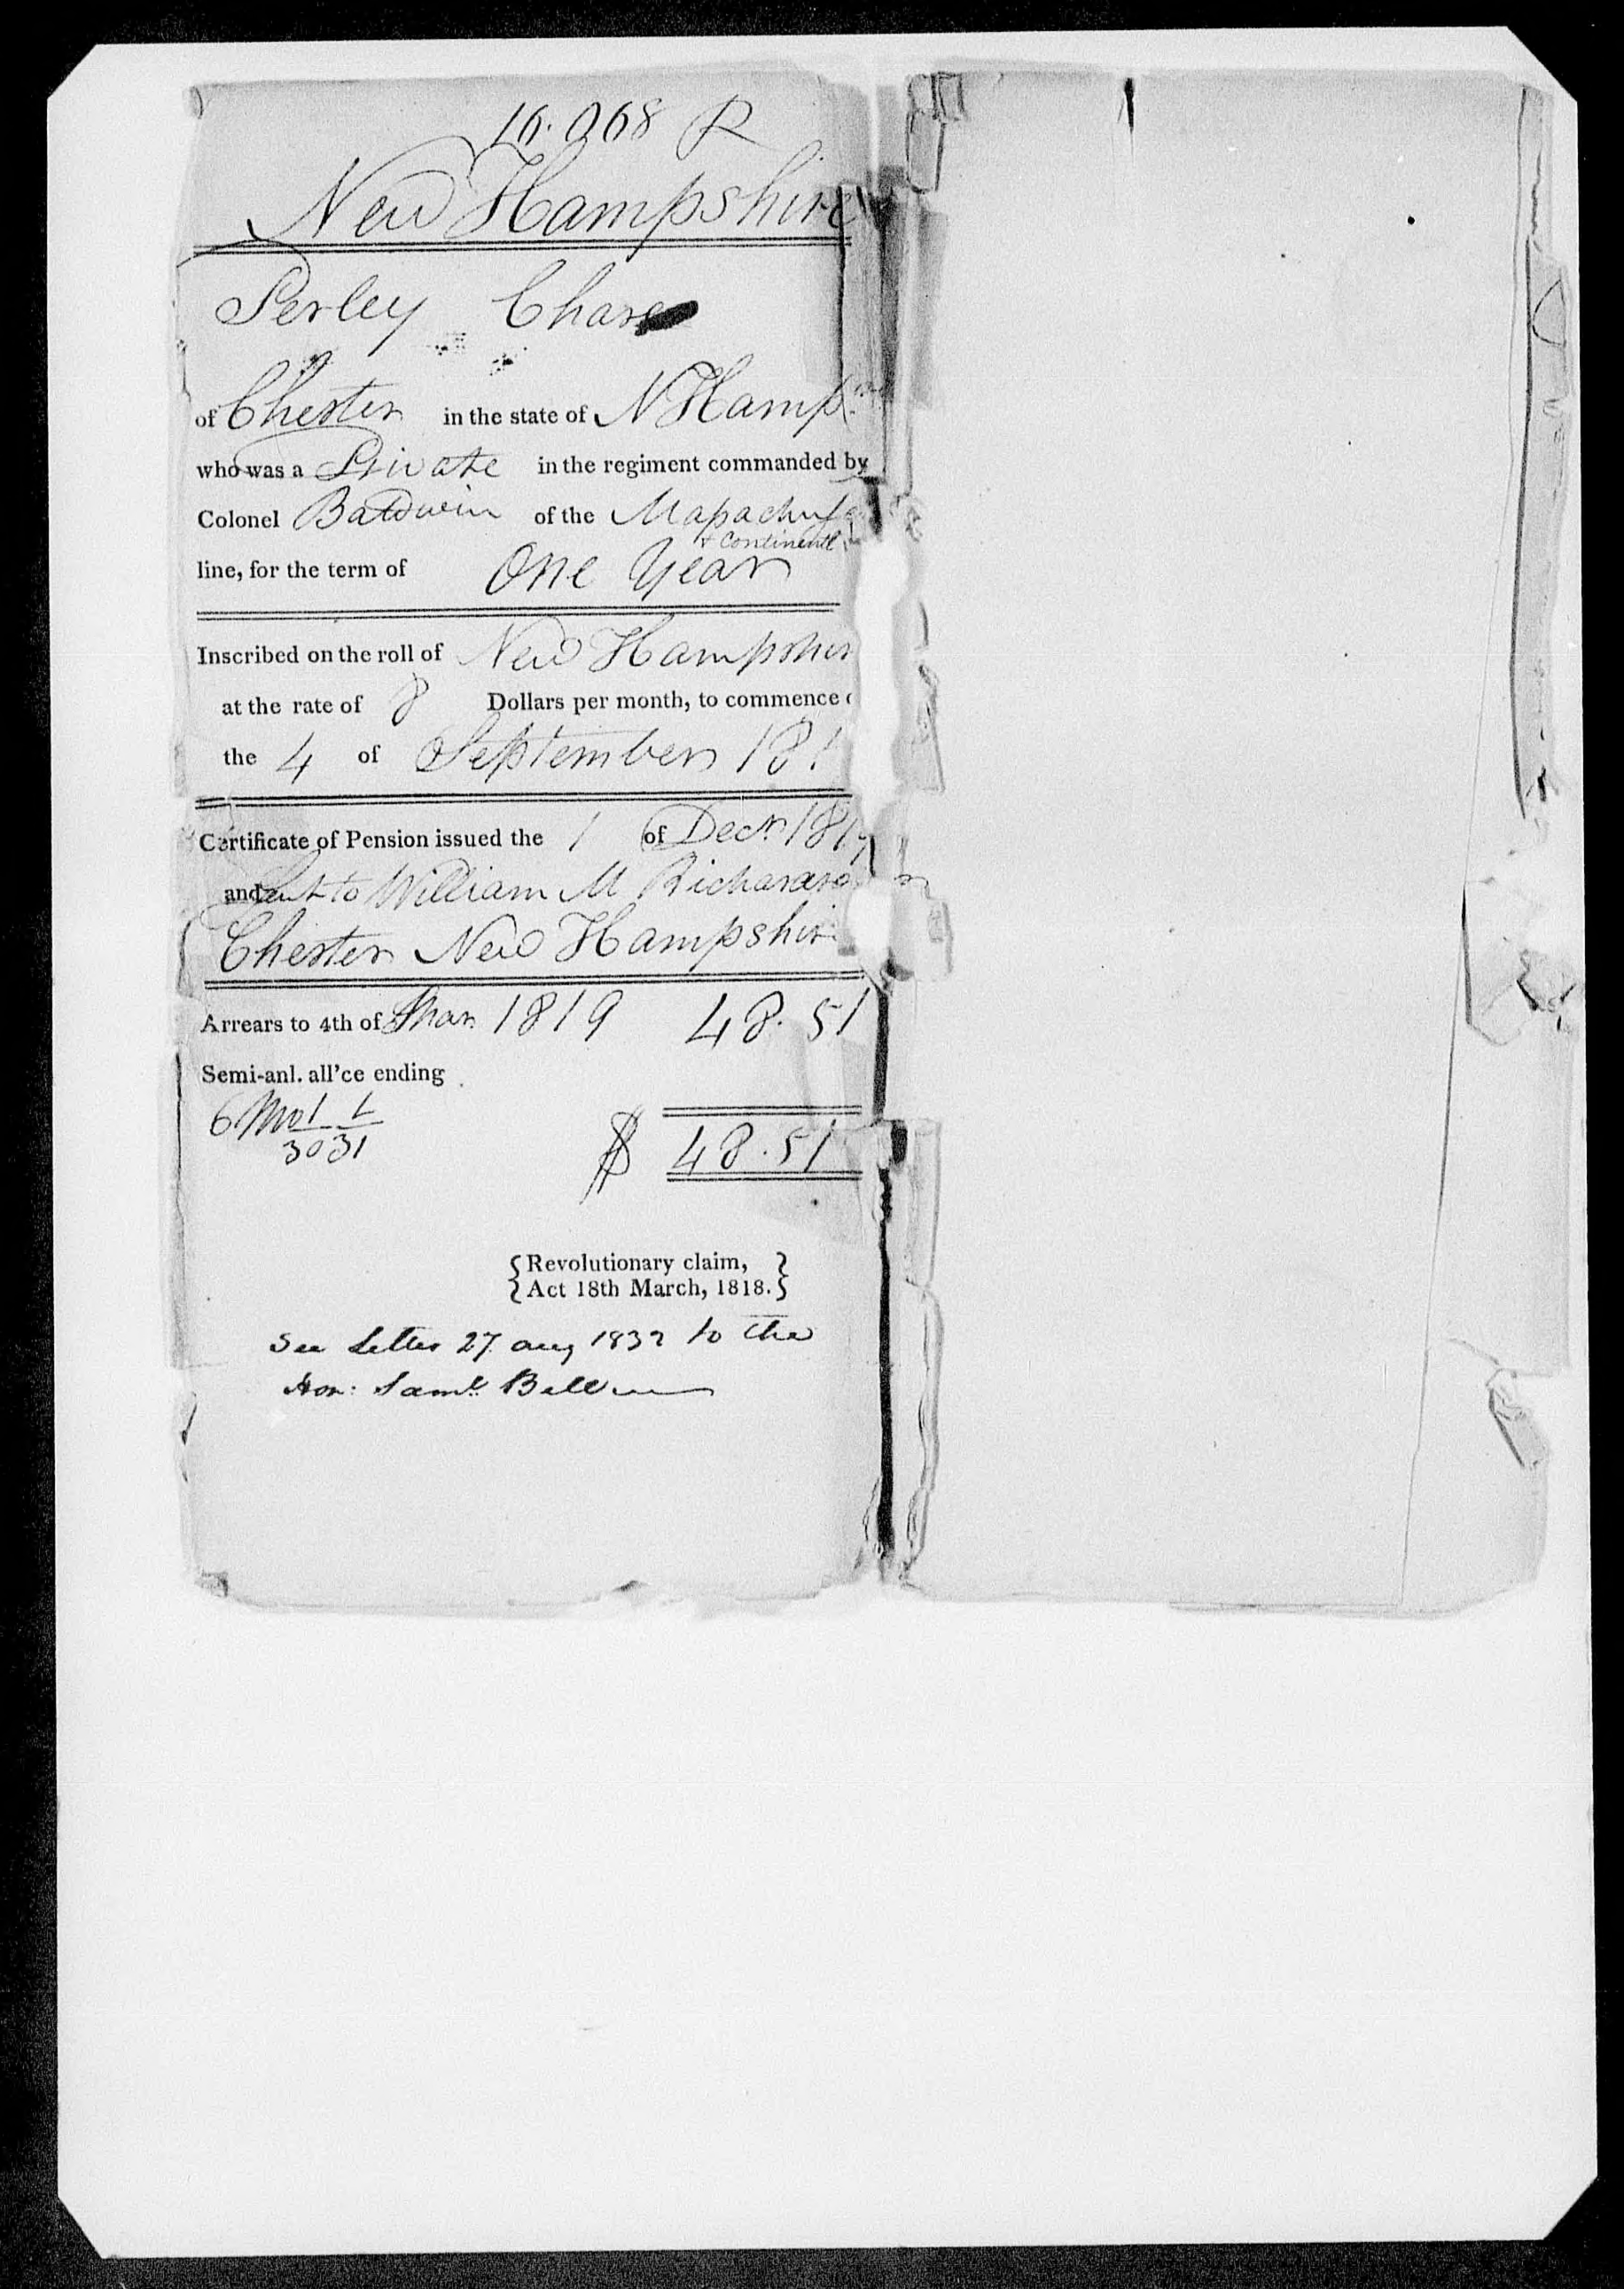16.068 R
New Hampshire
Perley Chase
of Chester in the state of N Hampshire
who was a Private in the regiment commanded by Colonel Baldwin of the Massachusetts
line, for the term of One year

Inscribed on the roll of New Hampshire
at the rate of 8 Dollars per month, to commence
the 4 of September 1818.
---
Certificate of Pension issued the 1 of Decr 1819
and sent to William M. Richardson
Chester New Hampshire
---
Arrears to 4th of Mar 1819  - 48.51

Semi-anl, all'ce ending
6 mo                                      Total 48.51
(Revolutionary claim,
Act 18th March, 1818.}

See Letter 27 any 1837 to the
Hon: Saml Bell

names: Saml Bell, Perley Chase, Baldwin, William M Richardson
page: 23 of 24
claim: survivor's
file: S. 17879, Perley Chase, Continental Mass.